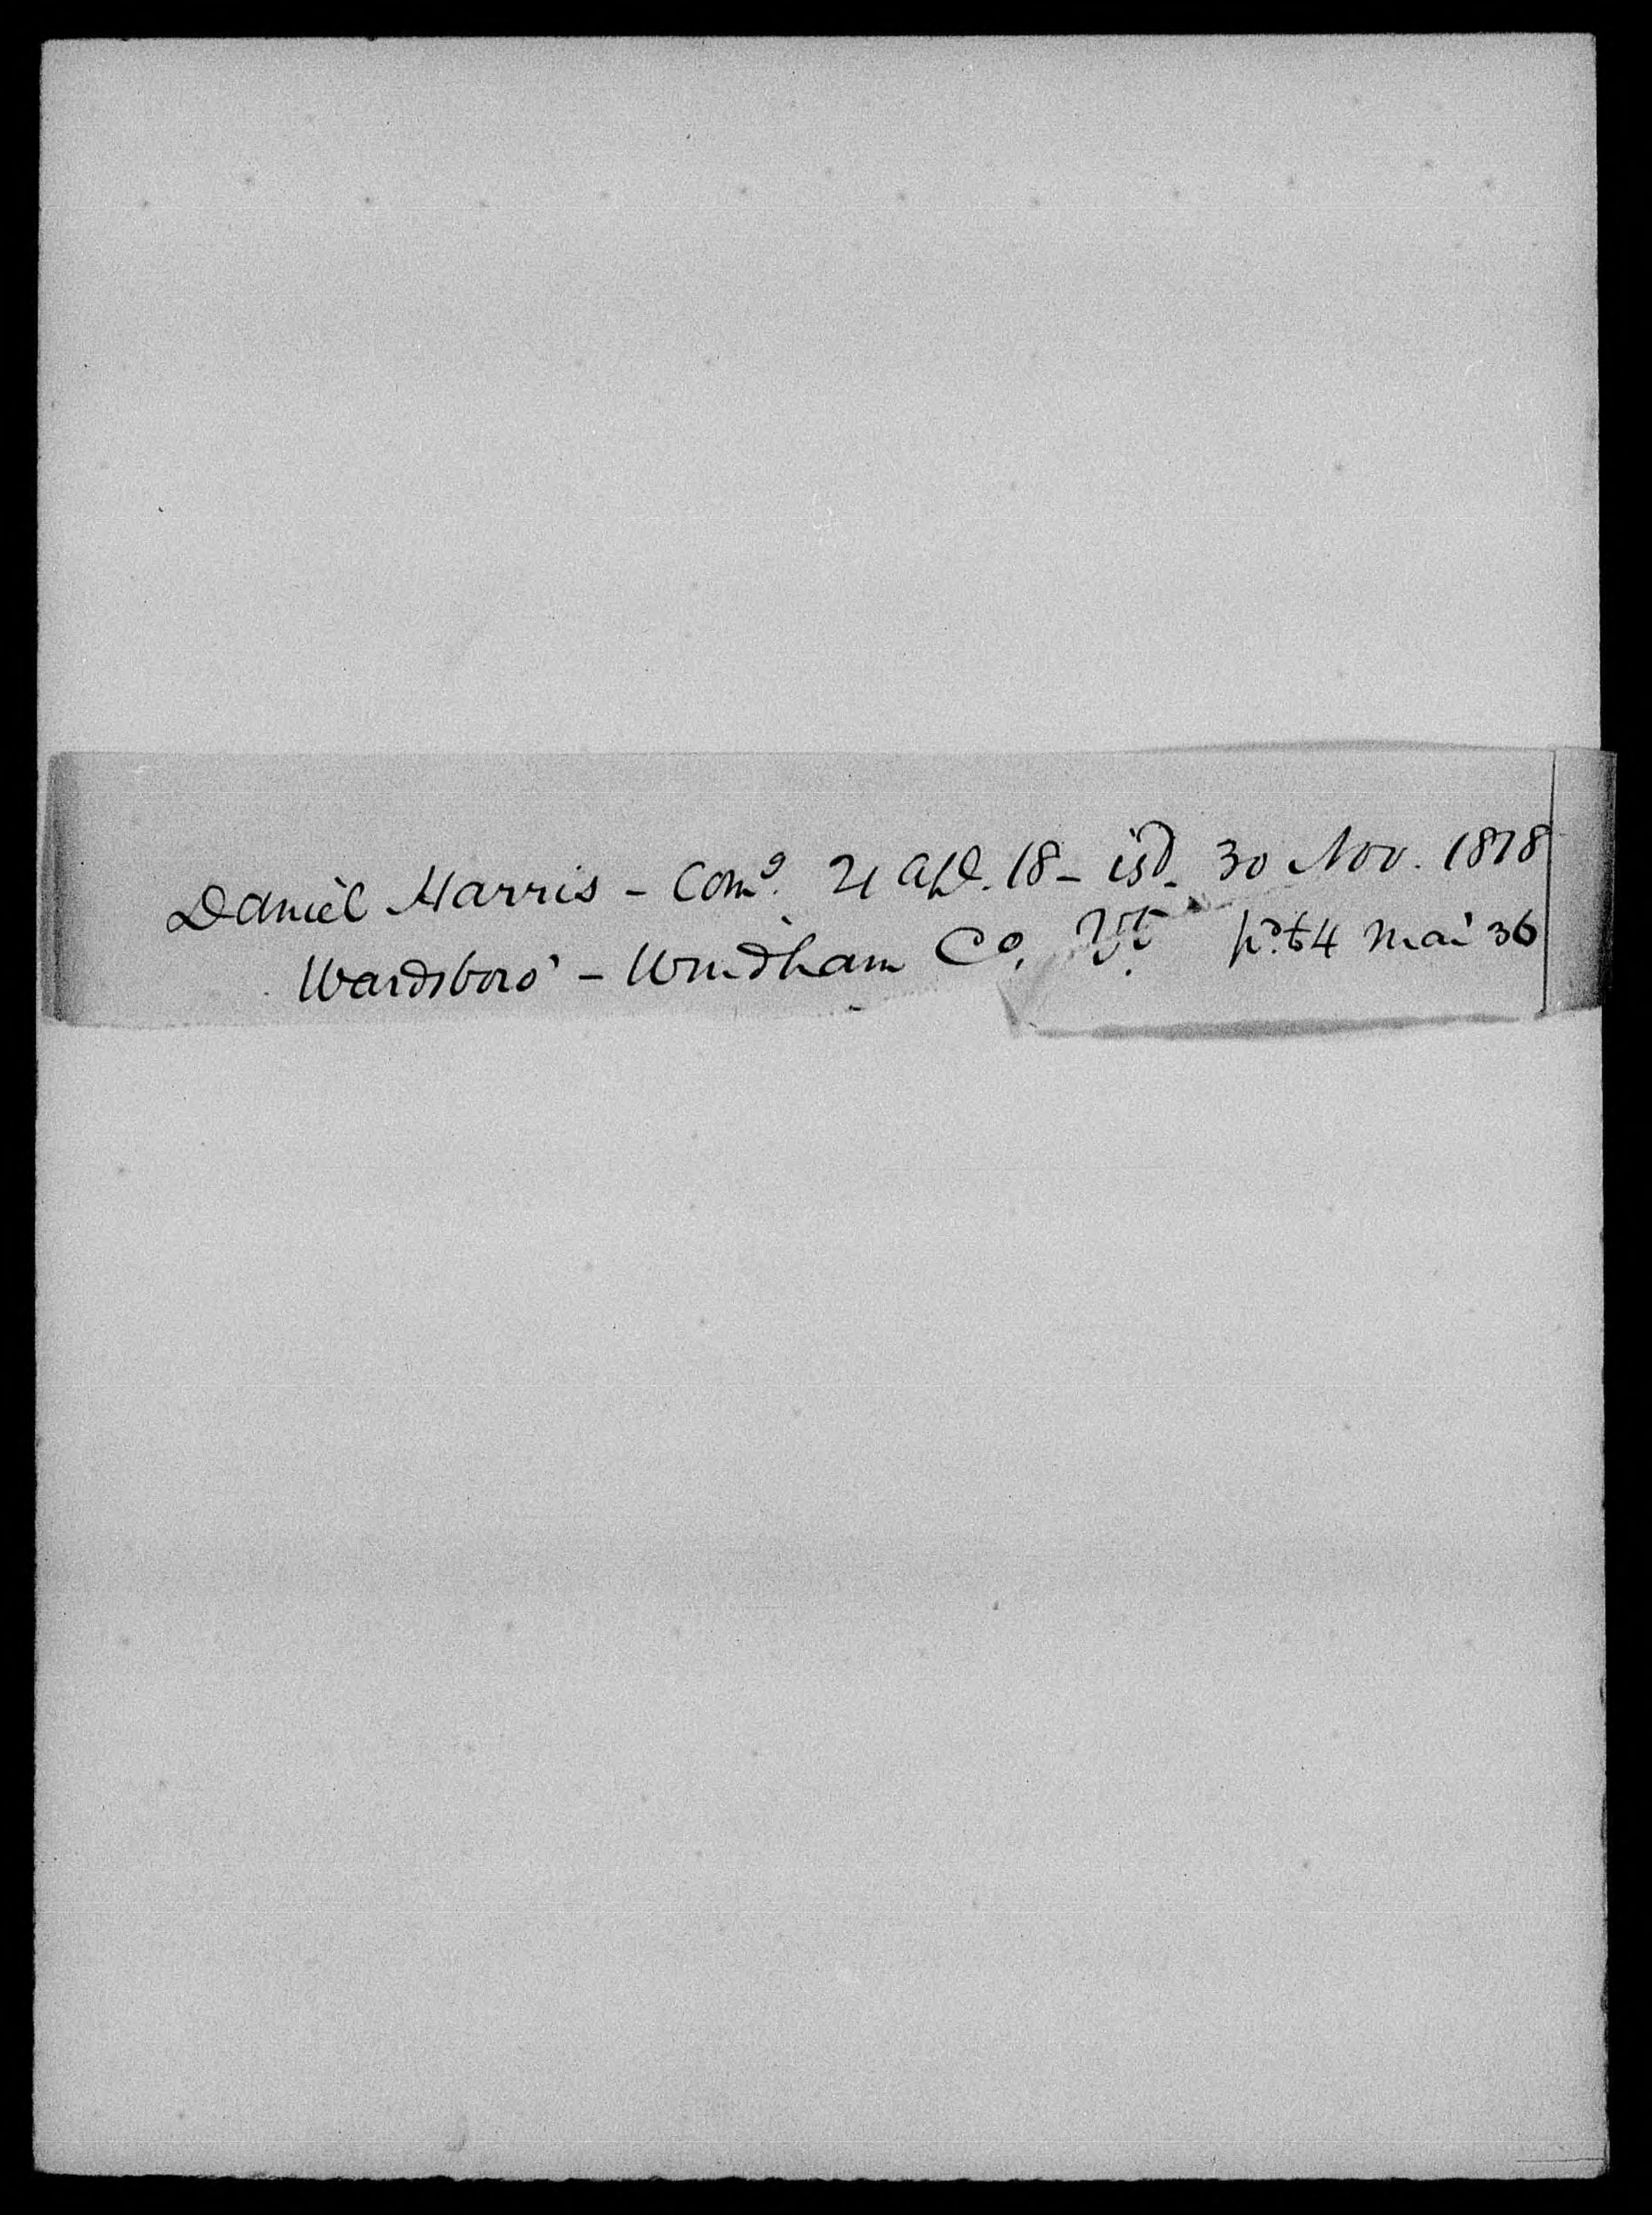Daniel Harris - Com. 21 AD 18-(?)  30 Nov 1818
Wardsboro - Windham Co. Vt.  pd 64  Mar '36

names: Daniel Harris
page: 39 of 68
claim: survivor's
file: S. 29,877, Daniel Harris, Mass.